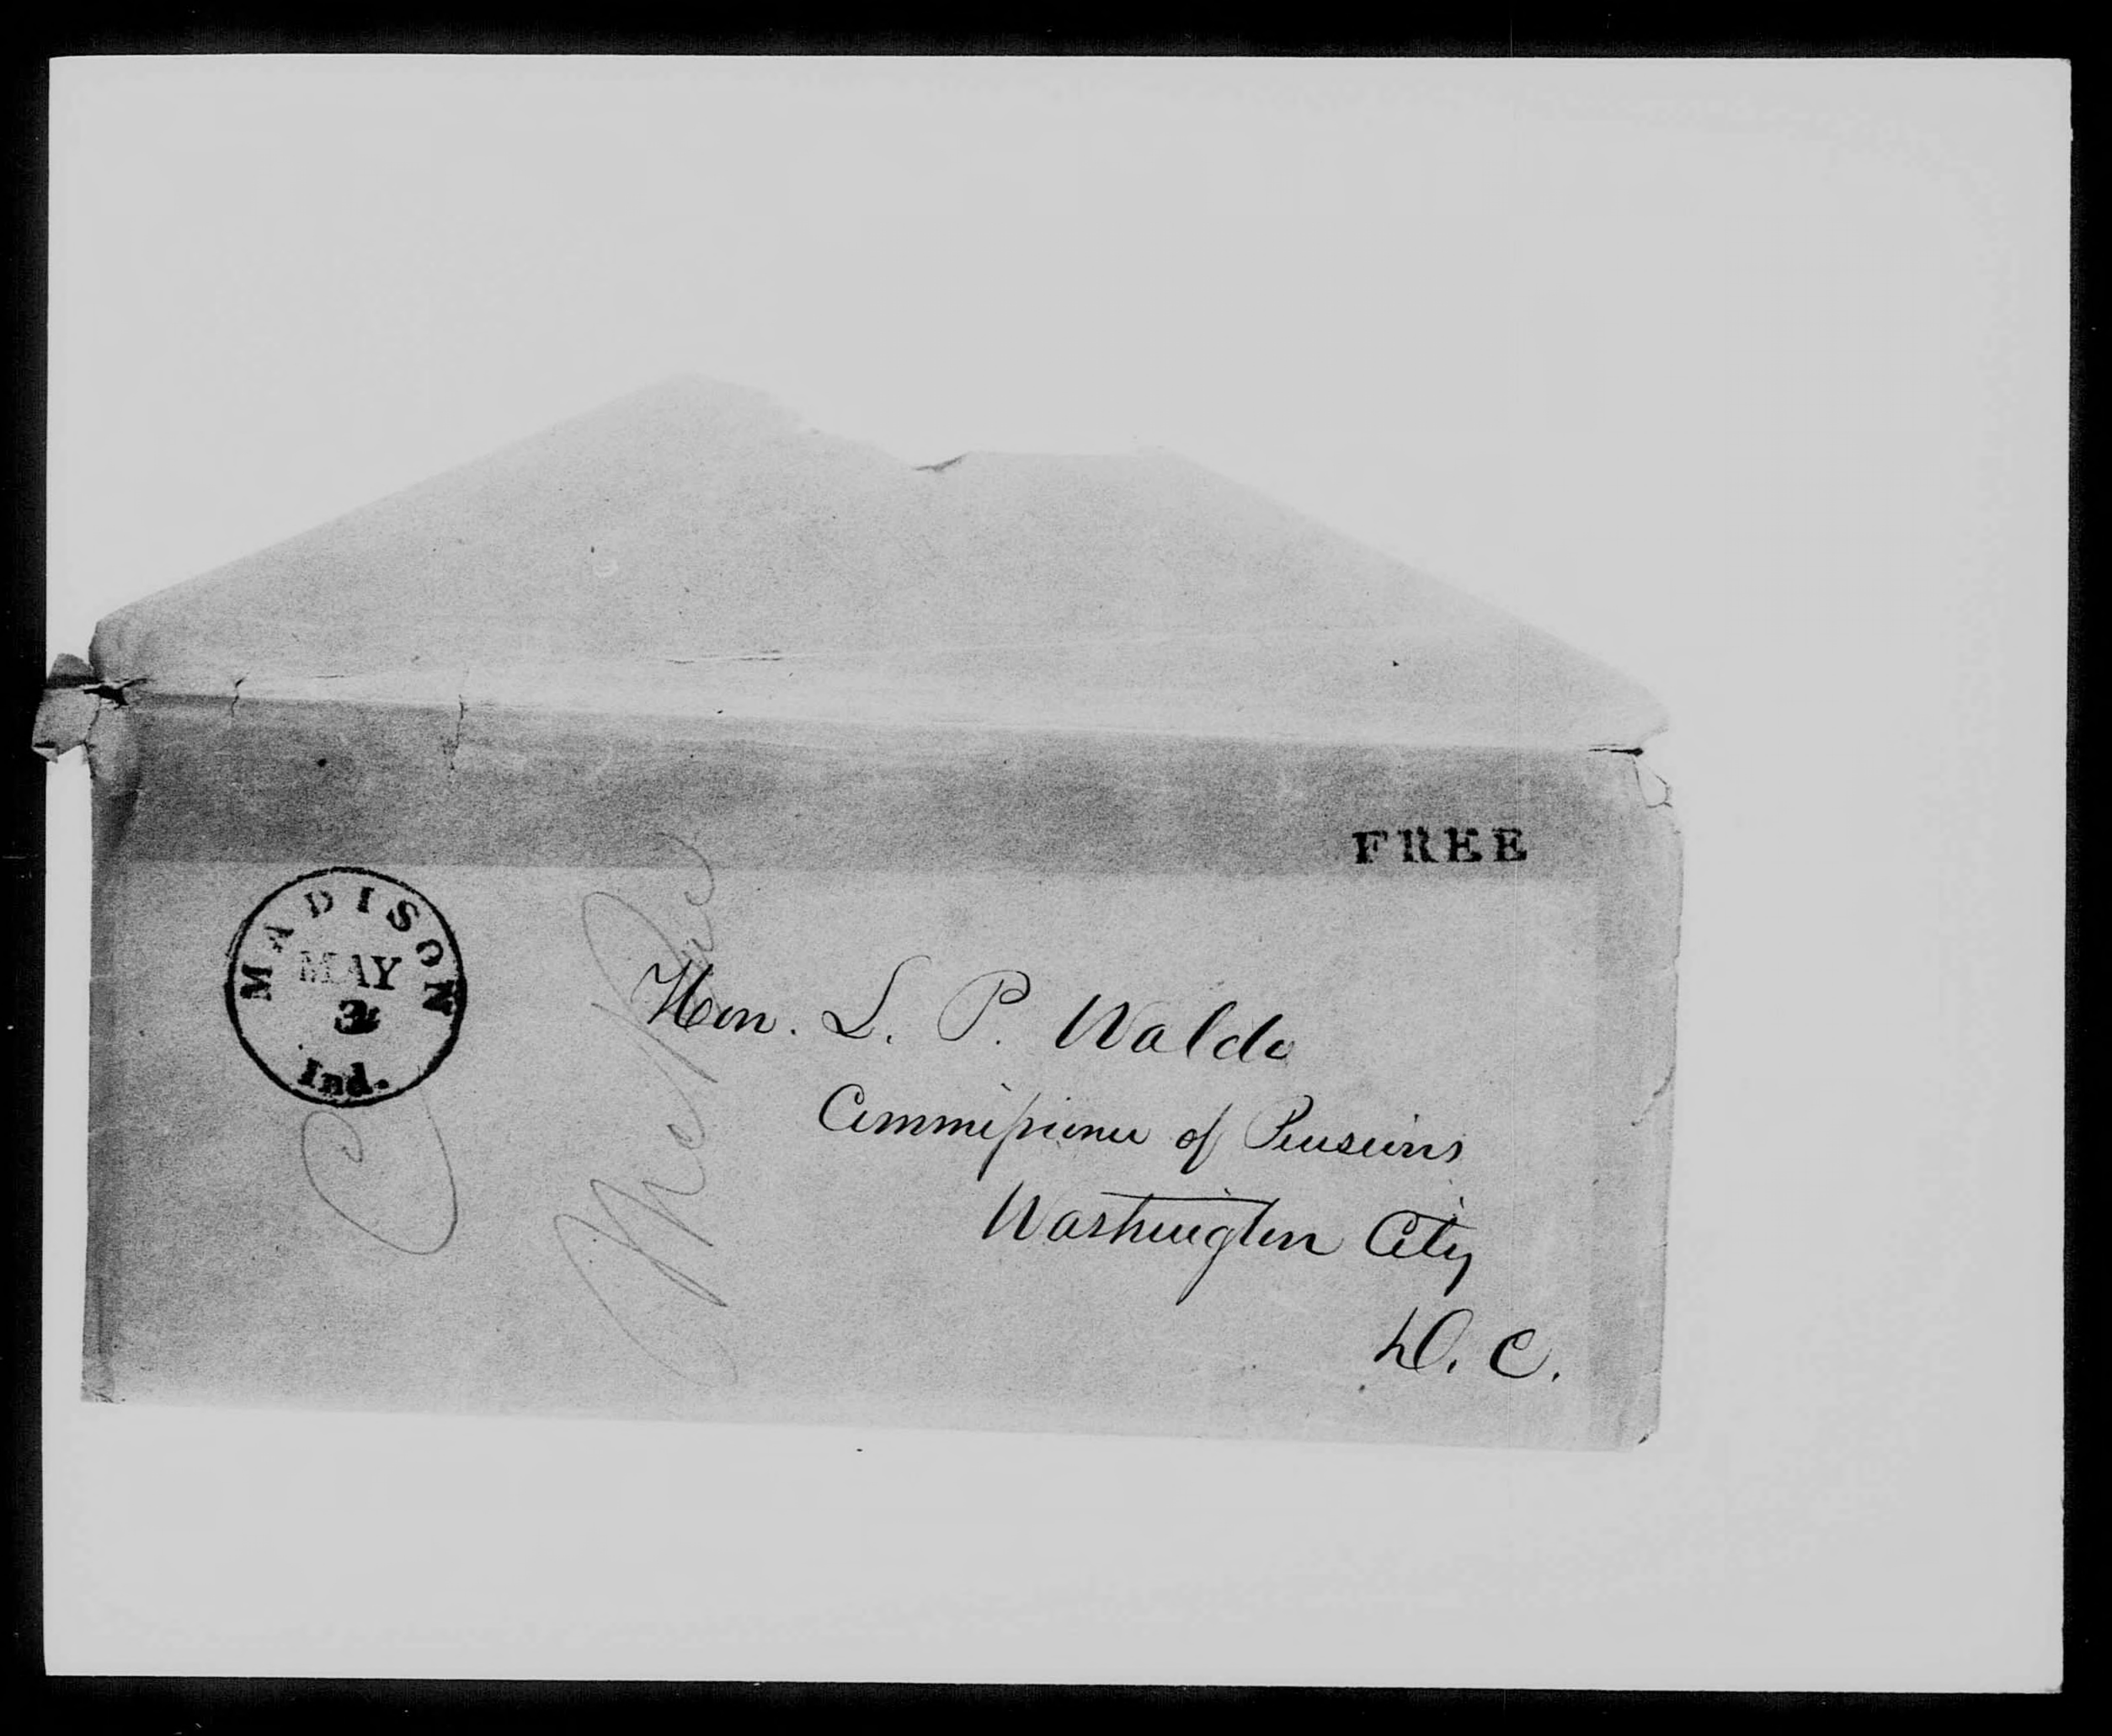MADISON Ind. MAY 3 [postage stamped]
------------
C
Mc Rue [penciled]

FREE [stamped]

Hon. L. P. Waldo
Commissioner of Pensions
Washington City
D.C.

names: L P Waldo, L P Waldo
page: 25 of 84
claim: widow's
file: W. 7744, Daniel Hickey, Penn.